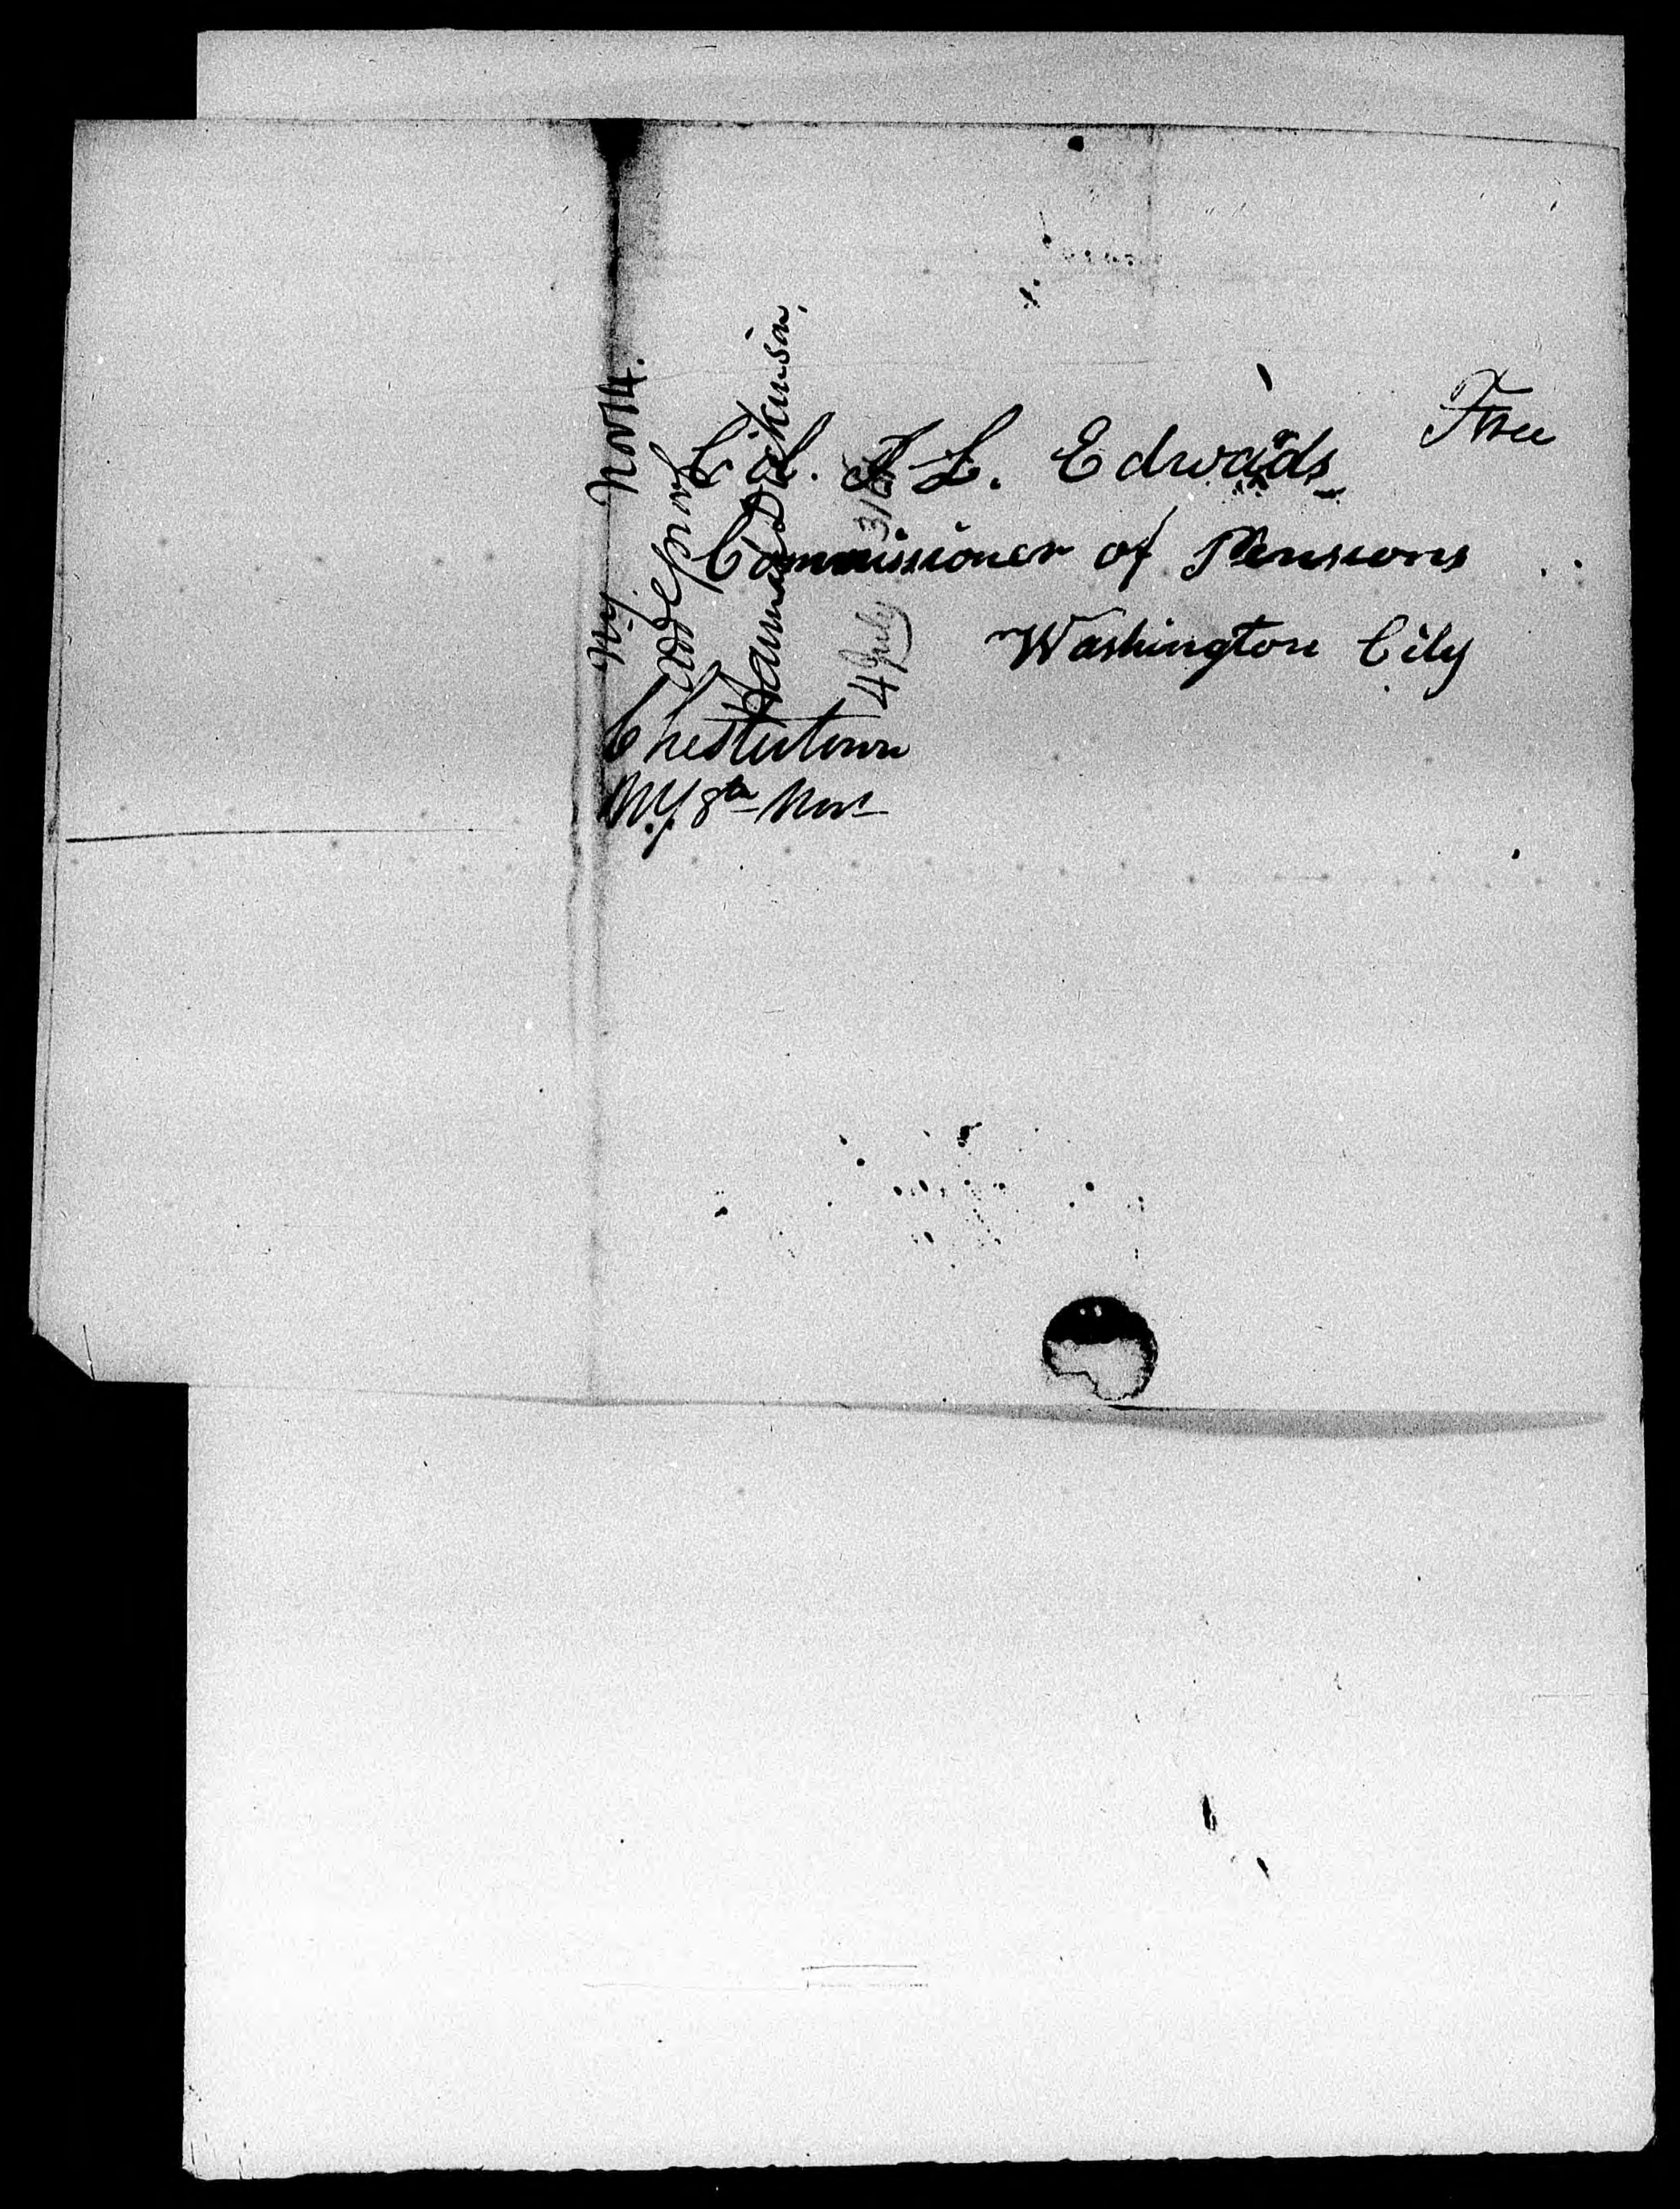Free

Col. J. L. Edwards
Commissioner of Pensions
Washington City

Chestertown
N.Y. 8th Novr

N.Y. Nov 14
[unknown] of
Hannah Dickinson
4 July 3161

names: J L Edwards, Hannah Dickinson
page: 37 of 60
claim: widow's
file: W 16,955, Samuel Dickinson, Conn.